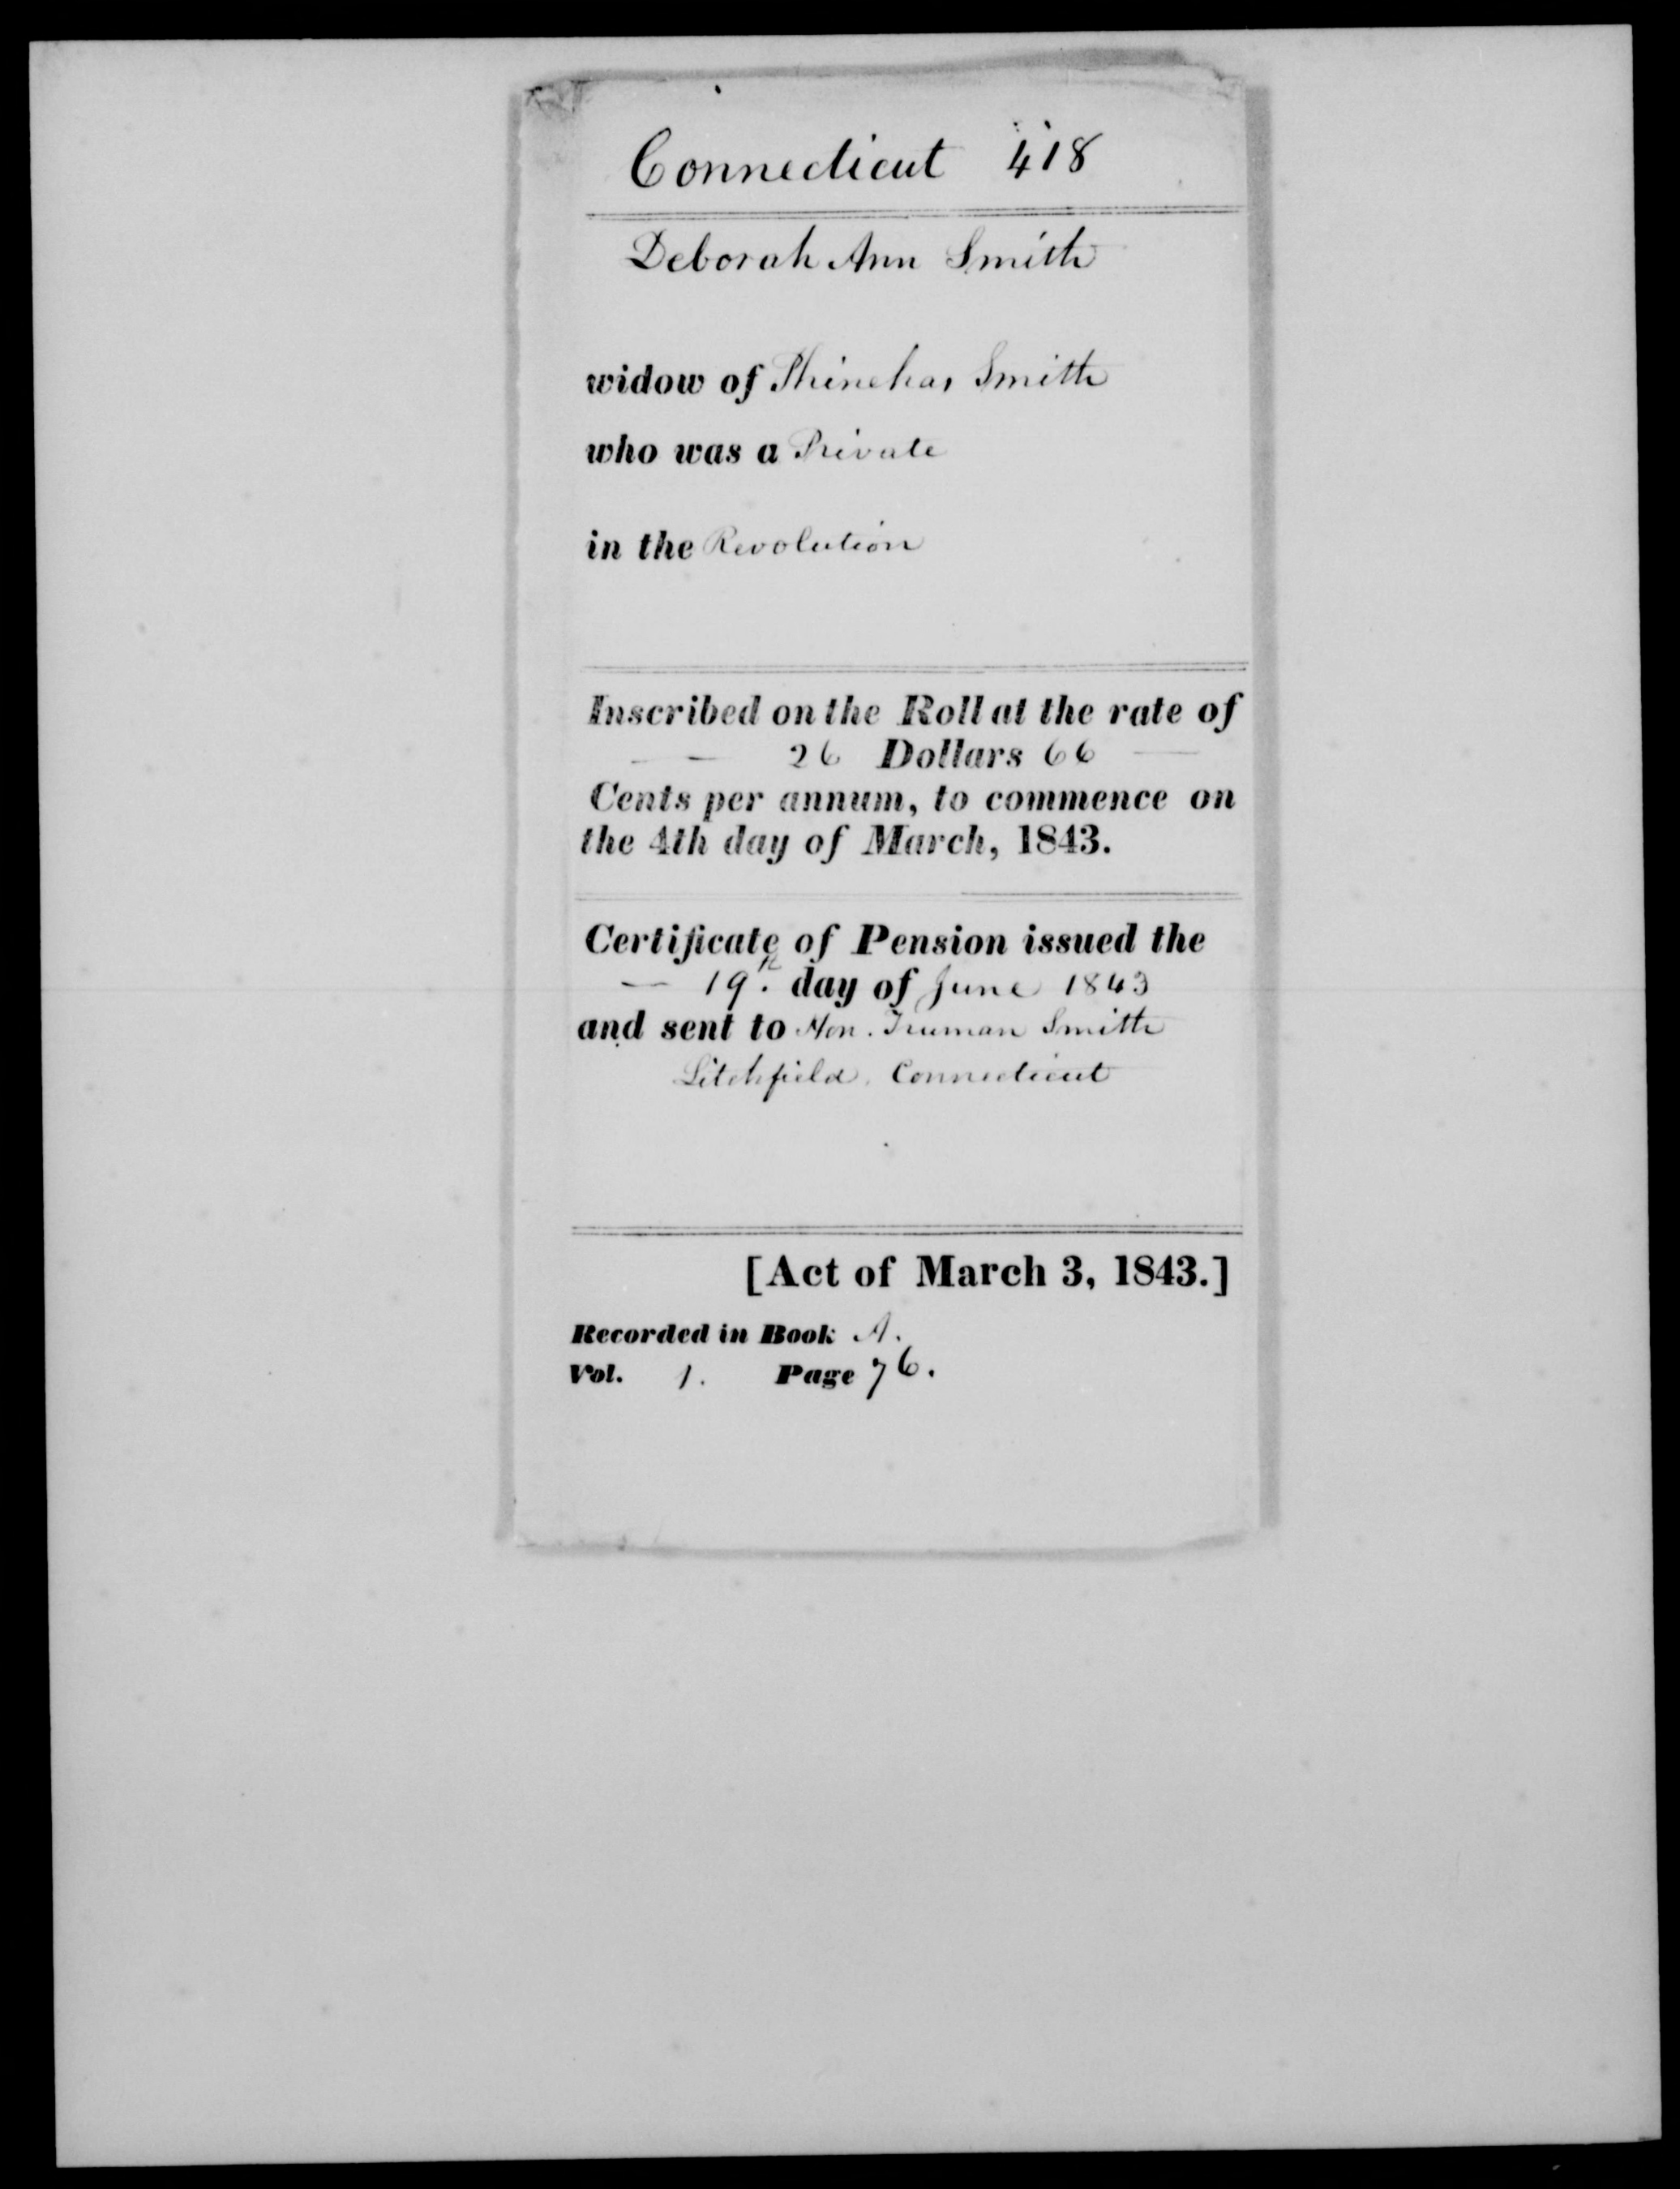Connecticut 418
Deborah Ann Smith
widow of Phinehas Smith
who was a Private in the Revolution
Inscribed on the Roll at the rate of
26 Dollars 66 Cents per annum, to commence on
the 4th day of March, 1843.
Certificate of Pension issued the 19th day of June 1843 and sent to Hon. Truman Smith
Litchfield, Connecticut
[Act of March 3, 1843.]
Recorded in Book A Vol. 1 Page 76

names: Truman Smith; Deborah Ann Smith; Phinehas Smith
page: 25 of 55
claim: widow's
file: W. 11480, for Phinehas Smith, Connecticut